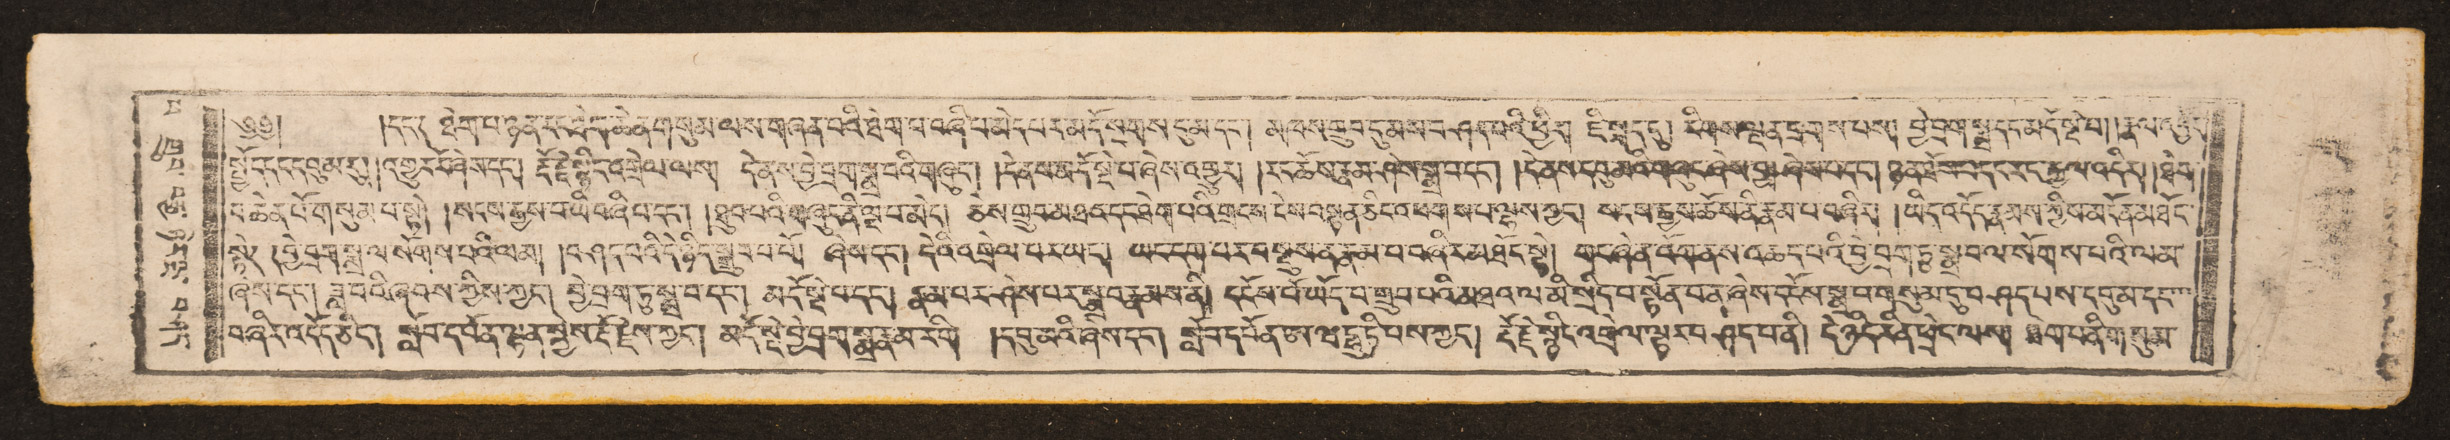༄༅། །དང༑ ཐེག་པ་ཉན་རང་ཐེག་ཆེན་གསུམ་ལས་གཞན་པའི་ཐེག་པ་བཞི་པ་མེད་པར་མདོ་སྔགས་དུ་མ་དང་། མཁས་གྲུབ་དུ་མས་བཤད་པའི་ཕྱིར། ཇི་སྐད་དུ། རིགས་ལྡན་གྲགས་པས། བྱེ་བྲག་སྨྲ་དང་མདོ་སྡེ་པ། །རྣལ་འབྱོར་
སྤྱོད་དང་དབུ་མ་རུ། །འགྱུར་རོ་ཞེས་དང་། རྡོ་རྗེ་སྙིང་འགྲེལ་ལས། དེ་ནས་བྱེ་བྲག་སྨྲ་པའི་གཞུང་། །དེ་ནས་མདོ་སྡེ་པ་ཞེས་འགྱུར། །རང་ཆོས་རྣམ་ཤེས་སྨྲ་བ་དང་། །དེ་ནས་དབུ་མའི་གཞུང་ཞེས་བྱ། ཞེས་པ་དང་། ཉན་ཐོས་པ་དང་རང་རྒྱལ་འདིར། །ཐེག་
པ་ཆེན་པོ་གསུམ་པ་སྟེ། །སངས་རྒྱས་པ་ཡི་བཞི་པ་དང་། །ཐུབ་པའི་གཞུང་ནི་ལྔ་བ་མེད། ཅེས་གྲུབ་མཐའ་དང་ཐེག་པའི་གྲངས་ངེས་བསྟན་ཅིང་འཕགས་པ་ལྷས་ཀྱང་། སངས་རྒྱས་ཆོས་ནི་རྣམ་པ་བཞིར། །ཡིད་འདོད་རྣམས་ཀྱིས་མངོན་མཐོང་
སྟེ༑ ༑བྱེ་བྲག་སྨྲ་ལ་སོགས་པའི་ལམ། །བཤད་པའི་དེ་ཉིད་སྒྲུབ་པ་པོ། ཞེས་དང་། དེའི་འགྲེལ་པར་ཡང་། ཡང་དག་པར་བསྡུས་ན་རྣམ་པ་བཞིར་མཐོང་སྟེ། གང་ཞེ་ན་འོག་ནས་འཆད་པའི་བྱེ་བྲག་ཏུ་སྨྲ་བ་ལ་སོགས་པའི་ལམ་
ཞེས་དང་། ཟླ་བའི་ཞབས་ཀྱིས་ཀྱང་། བྱེ་བྲག་ཏུ་སྨྲ་བ་དང་། མདོ་སྡེ་བ་དང་། རྣམ་པར་ཤེས་པར་སྨྲ་བ་རྣམས་ནི། དངོས་པོ་ཡོད་པ་གྲུབ་པའི་མཐའ་ལ་མི་སྲིད་པ་སྟོན་པ་ན་ཞེས་དངོས་སྨྲ་བ་གསུམ་དུ་བཤད་པས་དབུ་མ་དང་
བཞིར་འདོད་ཅིང་། སློབ་དཔོན་ལྷན་སྐྱེས་རྡོ་རྗེས་ཀྱང་། མདོ་སྡེ་བྱེ་བྲག་སྨྲ་རྣམ་རིག །དབུ་མའི་ཞེས་དང་། སློབ་དཔོན་ཨ་ལ་དྷུ་ཏི་པས་ཀྱང་། རྡོ་རྗེ་སྙིང་འགྲེལ་ལྟར་བཤད་པ་ནི། དེ་ཉིད་རིན་ཕྲེང་ལས། ཐེག་པ་ནི་གསུམ་